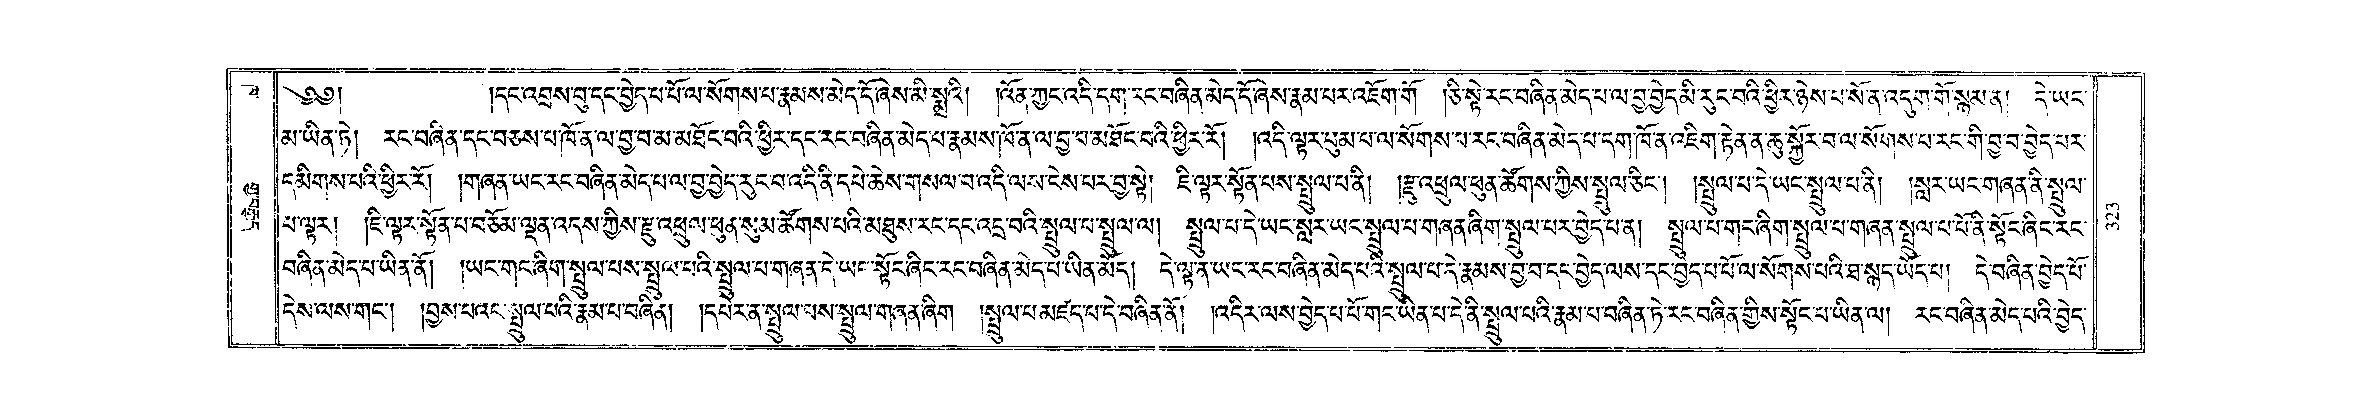༄༅། །དང་འབྲས་བུ་དང་བྱེད་པ་པོ་ལ་སོགས་པ་རྣམས་མེད་དོ་ཞེས་མི་སྨྲའི། །འོན་ཀྱང་འདི་དག་རང་བཞིན་མེད་དོ་ཞེས་རྣམ་པར་འཇོག་གོ །ཅི་སྟེ་རང་བཞིན་མེད་པ་ལ་བྱ་བྱེད་མི་རུང་བའི་ཕྱིར་ཉེས་པ་སོ་ན་འདུག་གོ་སྙམ་ན། དེ་ཡང་
མ་ཡིན་ཏེ། རང་བཞིན་དང་བཅས་པ་ཁོ་ན་ལ་བྱ་བ་མ་མཐོང་བའི་ཕྱིར་དང་རང་བཞིན་མེད་པ་རྣམས་ཁོ་ན་ལ་བྱ་བ་མཐོང་བའི་ཕྱིར་རོ། །འདི་ལྟར་བུམ་པ་ལ་སོགས་པ་རང་བཞིན་མེད་པ་དག་ཁོ་ན་འཇིག་རྟེན་ན་ཆུ་སྐྱོར་བ་ལ་སོགས་པ་རང་གི་བྱ་བ་བྱེད་པར་
དམིགས་པའི་ཕྱིར་རོ། །གཞན་ཡང་རང་བཞིན་མེད་པ་ལ་བྱ་བྱེད་རུང་བ་འདི་ནི་དཔེ་ཆེས་གསལ་བ་འདི་ལས་ངེས་པར་བྱ་སྟེ། ཇི་ལྟར་སྟོན་པས་སྤྲུལ་པ་ནི། །རྫུ་འཕྲུལ་ཕུན་ཚོགས་ཀྱིས་སྤྲུལ་ཅིང་། །སྤྲུལ་པ་དེ་ཡང་སྤྲུལ་པ་ནི། །སླར་ཡང་གཞན་ནི་སྤྲུལ་
པ་ལྟར། །ཇི་ལྟར་སྟོན་པ་བཅོམ་ལྡན་འདས་ཀྱིས་རྫུ་འཕྲུལ་ཕུན་སུམ་ཚོགས་པའི་མཐུས་རང་དང་འདྲ་བའི་སྤྲུལ་པ་སྤྲུལ་ལ། སྤྲུལ་པ་དེ་ཡང་སླར་ཡང་སྤྲུལ་པ་གཞན་ཞིག་སྤྲུལ་པར་བྱེད་པ་ན། སྤྲུལ་པ་གང་ཞིག་སྤྲུལ་པ་གཞན་སྤྲུལ་པ་པོ་ནི་སྟོང་ཞིང་རང་
བཞིན་མེད་པ་ཡིན་ནོ། །ཡང་གང་ཞིག་སྤྲུལ་པས་སྤྲུལ་པའི་སྤྲུལ་པ་གཞན་དེ་ཡང་སྟོང་ཞིང་རང་བཞིན་མེད་པ་ཡིན་མོད། དེ་ལྟ་ན་ཡང་རང་བཞིན་མེད་པའི་སྤྲུལ་པ་དེ་རྣམས་བྱ་བ་དང་བྱེད་ལས་དང་བྱེད་པ་པོ་ལ་སོགས་པའི་ཐ་སྙད་ཡོད་པ། དེ་བཞིན་བྱེད་པོ་
དེས་ལས་གང་། །བྱས་པའང་སྤྲུལ་པའི་རྣམ་པ་བཞིན། །དཔེར་ན་སྤྲུལ་པས་སྤྲུལ་གཞན་ཞིག །སྤྲུལ་པ་མཛད་པ་དེ་བཞིན་ནོ། །འདིར་ལས་བྱེད་པ་པོ་གང་ཡིན་པ་དེ་ནི་སྤྲུལ་པའི་རྣམ་པ་བཞིན་ཏེ་རང་བཞིན་གྱིས་སྟོང་པ་ཡིན་ལ། རང་བཞིན་མེད་པའི་བྱེད་